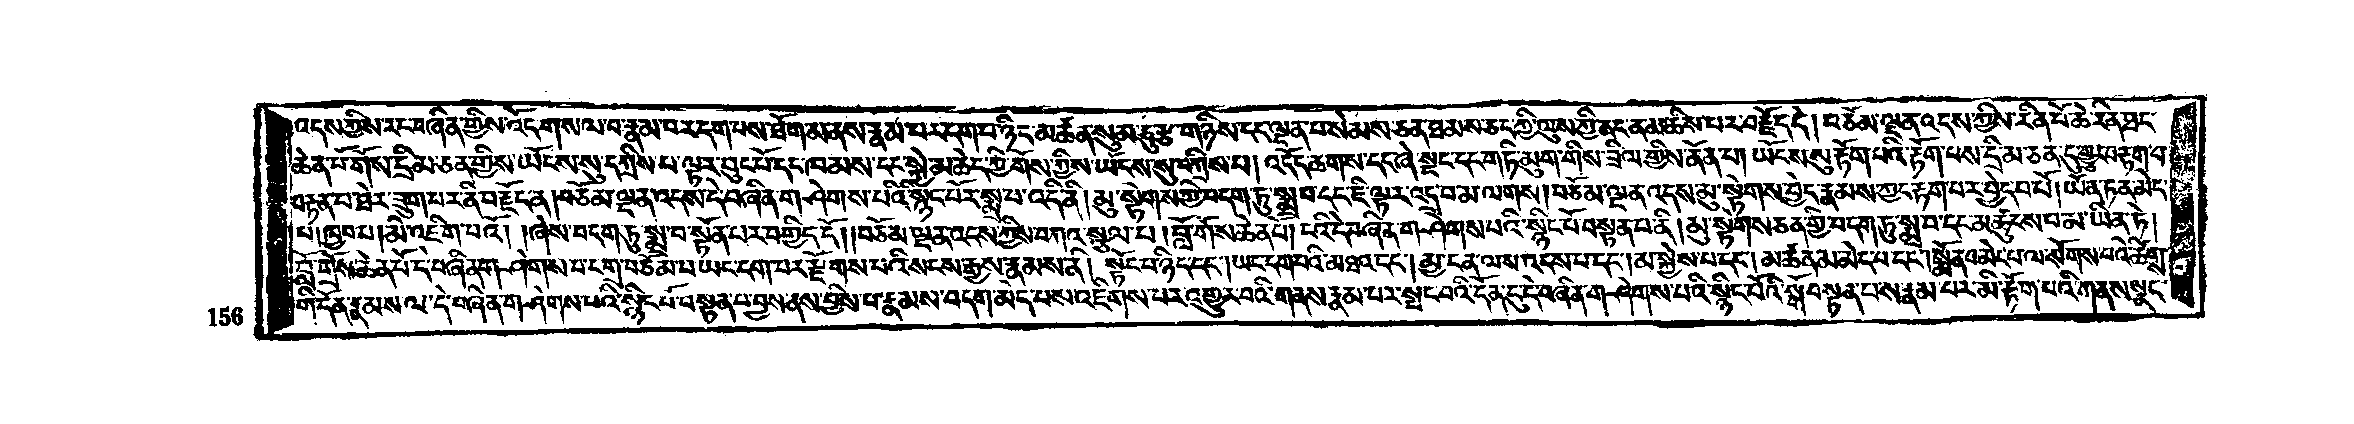འདས་ཀྱིས་རང་བཞིན་གྱིས་འོད་གསལ་བ་རྣམ་པར་དག་པས་ཐོག་མ་ནས་རྣམ་པར་དག་པ་ཉིད་མཚན་སུམ་ཅུ་རྩ་གཉིས་དང་ལྡན་པ་སེམས་ཅན་ཐམས་ཅད་ཀྱི་ལུས་ཀྱི་ནང་ན་མཆིས་པར་བརྗོད་དེ། བཅོམ་ལྡན་འདས་ཀྱིས་རིན་པོ་ཆེ་རིན་ཐང་
ཆེན་པོ་གོས་དྲི་མ་ཅན་གྱིས་ཡོངས་སུ་དཀྲིས་པ་ལྟར་ཕུང་པོ་དང་ཁམས་དང་སྐྱེ་མཆེད་ཀྱི་གོས་ཀྱིས་ཡོངས་སུ་བཀྲིས་པ། འདོད་ཆགས་དང་ཞེ་སྡང་དང་གཏི་མུག་གིས་ཟིལ་གྱིས་ནོན་པ། ཡོངས་སུ་རྟོག་པའི་རྟོག་པས་དྲི་མ་ཅན་དུ་གྱུར་པ་རྟག་པ་
བརྟན་པ་ཐེར་ཟུག་པར་ནི་བརྗོད་ན། བཅོམ་ལྡན་འདས་དེ་བཞིན་གཤེགས་པའི་སྙིང་པོར་སྨྲ་བ་འདི་ནི། མུ་སྟེགས་ཀྱི་བདག་ཏུ་སྨྲ་བ་དང་ཇི་ལྟར་འདྲ་བ་མ་ལགས། བཅོམ་ལྡན་འདས་མུ་སྟེགས་བྱེད་རྣམས་ཀྱང་རྟག་པར་བྱེད་པ་པོ། ཡོན་ཏན་མེད་
པ༑ ཁྱབ་པ། མི་འཇིག་པའོ། །ཞེས་བདག་ཏུ་སྨྲ་བ་སྟོན་པར་བགྱིད་དོ། །བཅོམ་ལྡན་འདས་ཀྱིས་བཀའ་སྩལ་པ། བློ་གྲོས་ཆེན་པོ། ངའི་དེ་བཞིན་གཤེགས་པའི་སྙིང་པོ་བསྟན་པ་ནི། མུ་སྟེགས་ཅན་གྱི་བདག་ཏུ་སྨྲ་བ་དང་མཚུངས་པ་མ་ཡིན་ཏེ།
བློ་གྲོས་ཆེན་པོ་དེ་བཞིན་གཤེགས་པ་དགྲ་བཅོམ་པ་ཡང་དག་པར་རྫོགས་པའི་སངས་རྒྱས་རྣམས་ནི། སྟོང་པ་ཉིད་དང་། ཡང་དག་པའི་མཐའ་དང་། མྱ་ངན་ལས་འདས་པ་དང་། མ་སྐྱེས་པ་དང་། མཚན་མ་མེད་པ་དང་། སྨོན་པ་མེད་པ་ལ་སོགས་པའི་ཚིགས་
གི་དོན་རྣམས་ལ་དེ་བཞིན་གཤེགས་པའི་སྙིང་པོ་བསྟན་པ་བྱས་ནས་བྱིས་པ་རྣམས་བདག་མེད་པས་འཇིགས་པར་འགྱུར་བའི་གནས་རྣམ་པར་སྤང་བའི་དོན་དུ་དེ་བཞིན་གཤེགས་པའི་སྙིང་པོའི་སྒོ་བསྟན་པས་རྣམ་པར་མི་རྟོག་པའི་གནས་སྣང་